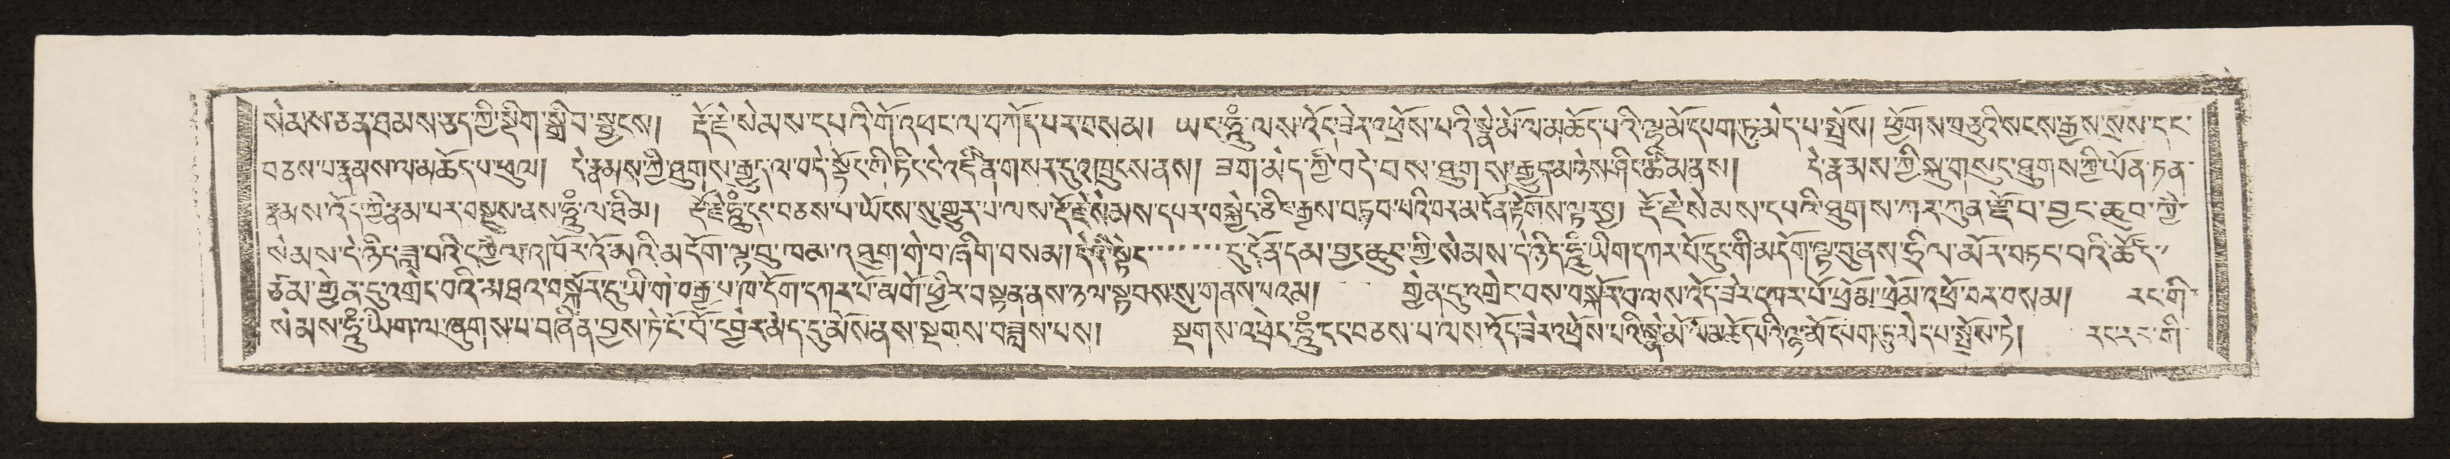སེམས་ཅན་ཐམས་ཅད་ཀྱི་སྡིག་སྒྲིབ་སྦྱངས། རྡོ་རྗེ་སེམས་དཔའི་གོ་འཕང་ལ་བཀོད་པར་བསམ། ཡང་ཧཱུཾ་ལས་འོད་ཟེར་འཕྲོས་པའི་སྣེ་མོ་ལ་མཆོད་པའི་ལྷ་མོ་དཔག་ཏུ་མེད་པ་སྤྲོས། ཕྱོགས་བཅུའི་སངས་རྒྱས་སྲས་དང་
བཅས་པ་རྣམས་ལ་མཆོད་པ་ཕུལ། དེ་རྣམས་ཀྱི་ཐུགས་རྒྱུད་ལ་བདེ་སྟོང་གི་ཏིང་ངེ་འཛིན་གསར་དུ་འཁྲུངས་ནས། ཟག་མེད་ཀྱི་བདེ་བས་ཐུགས་རྒྱུད་མཉེས་ཤིང་ཚིམ་ནས། དེ་རྣམས་ཀྱི་སྐུ་གསུང་ཐུགས་ཀྱི་ཡོན་ཏན་
རྣམས་འོད་ཀྱི་རྣམ་པར་བསྡུས་ནས་ཧཱུཾ་ལ་ཐིམ། རྡོ་རྗེ་ཧཱུཾ་དང་བཅས་པ་ཡོངས་སུ་གྱུར་པ་ལས་རྡོ་རྗེ་སེམས་དཔར་བསྐྱེད་ཅིང་རྒྱས་བཏབ་པའི་བར་མངོན་རྟོགས་ལྟར་བྱ། རྡོ་རྗེ་སེམས་དཔའི་ཐུགས་ཀར་ཀུན་རྫོབ་བྱང་
ཆུབ་ཀྱི་སེམས་དེ་ཉིད་ཟླ་བའི་དཀྱིལ་འཁོར་འོ་མའི་མདོག་ལྟ་བུ་ལམ་འཐུག་གེབ་ཞིག་བསམ། དེའི་སྟེང་དུ་དོན་དམ་བྱང་ཆུབ་ཀྱི་སེམས་དེ་ཉིད་ཧཱུཾ་ཡིག་དཀར་པོ་དུང་གི་མདོག་ལྟ་བུ་ནས་ཧྲིལ་མོར་བཏང་པའི་ཚོད་
ཙམ་གྱེན་དུ་འགྲེང་པའི་མཐའ་བསྐོར་དུ་ཡི་གེ་བརྒྱ་པ་ཁ་དོག་དཀར་པོ་མགོ་ཕྱིར་བསྟན་ནས་ཉལ་སྟབས་སུ་གནས་པའམ། གྱེན་དུ་འགྲེང་བས་བསྐོར་བ་ལས་འོད་ཟེར་དཀར་པོ་ཕྲོམ་ཕྲོམ་འཕྲོ་བར་བསམ། རང་གི་
སེམས་ཧཱུཾ་ཡིག་ལ་ཞུགས་པ་བཞིན་བྱས་ཏེ་ངོ་བོ་དབྱེར་མེད་དུ་མོས་ནས་སྔགས་བཟླས་པས། སྔགས་འཕྲེང་ཧཱུཾ་དང་བཅས་པ་ལས་འོད་ཟེར་འཕྲོས་པའི་སྣེ་མོ་ལ་མཆོད་པའི་ལྷ་མོ་དཔག་ཏུ་མེད་པ་སྤྲོས་ཏེ། རང་རང་གི་